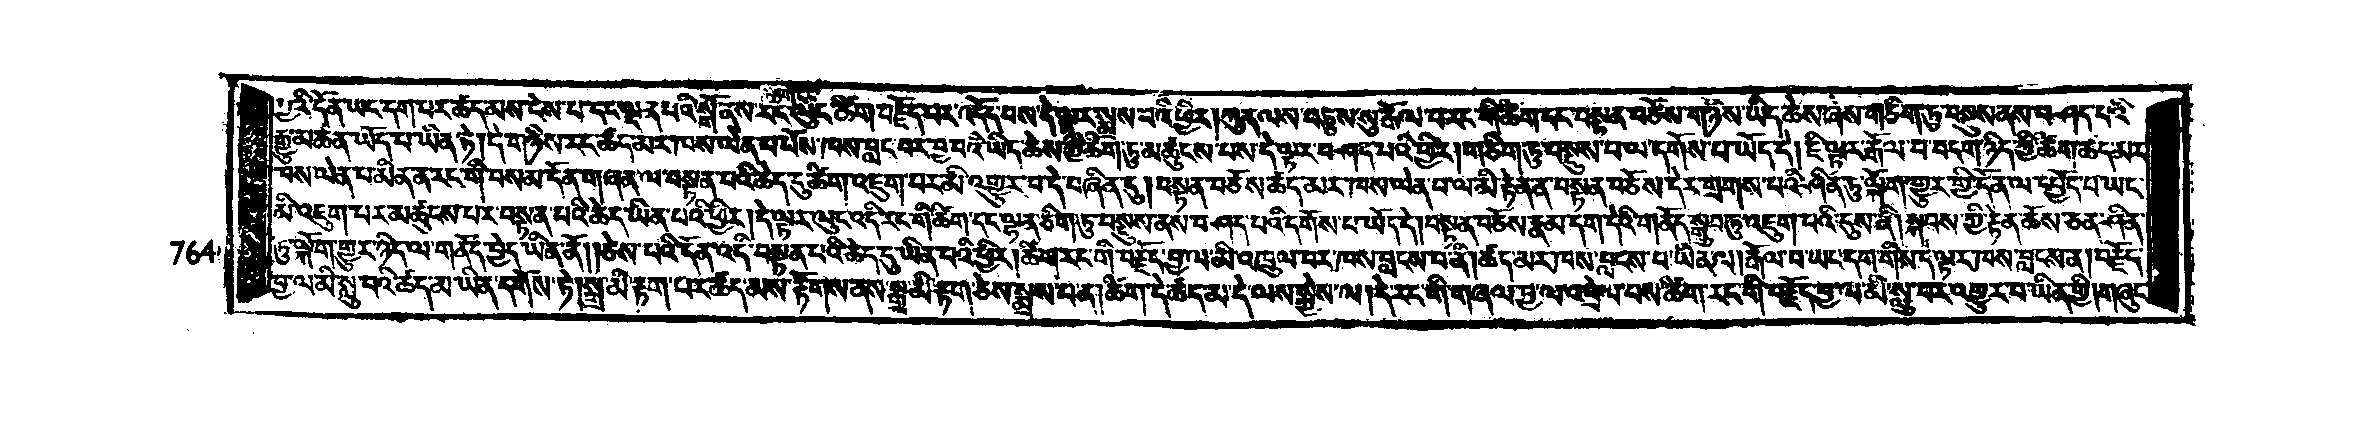བྱའི་དོན་ཡང་དག་པར་ཚད་མས་ངེས་པ་དང་ལྡན་པའི་སྒོ་ནས་ཚིག་དང་རང་ལུང་ཚིག་བརྗོད་པར་འདོད་པས་དེ་ལྟར་སྨྲས་བའི་ཕྱིར། ཀུན་ལས་བཏུས་སུ་རྒོལ་བ་རང་གི་ཚིག་དང་བསྟན་བཅོས་གཉིས་ཡིད་ཆེས་ཞེས་གཅིག་ཏུ་བསྡུས་ནས་བཤད་པའི་
རྒྱུ་མཚན་ཡོད་པ་ཡིན་ཏེ། དེ་གཉིས་རང་ཚད་མར་ཁས་ལེན་པ་པོས་ཁས་བླང་བར་བྱ་བའི་ཡིད་ཆེས་ཀྱི་ཚིག་ཏུ་མཚུངས་པས་དེ་ལྟར་བཤད་པའི་ཕྱིར། གཅིག་ཏུ་བསྡུས་པ་ལ་དགོས་པ་ཡོད་དེ། ཇི་ལྟར་རྒོལ་བ་བདག་ཉིད་ཀྱི་ཚིག་ཚད་མར་
ཁས་ལེན་པ་མིན་ན་རང་གི་བསམ་དོན་གཞན་ལ་བསྟན་པའི་ཆེད་དུ་ཚིག་འཇུག་པར་མི་འགྱུར་བ་དེ་བཞིན་དུ། བསྟན་བཅོས་ཚད་མར་ཁས་ལེན་པ་ལ་མི་རྟེན་ན་བསྟན་བཅོས་དེར་གྲགས་པའི་ཤིན་ཏུ་ལྐོག་གྱུར་གྱི་དོན་ལ་དཔྱོད་པ་ཡང་
མི་འཇུག་པར་མཚུངས་པར་བསྟན་པའི་ཆེད་ཡིན་པའི་ཕྱིར། དེ་ལྟར་ལུང་འདི་རང་གི་ཚིག་དང་ལྷན་ཅིག་ཏུ་བསྡུས་ནས་བཤད་པའི་དགོས་པ་ཡོད་དེ། བསྟན་བཅོས་རྣམ་དག་དེའི་གནོད་སྒྲུབ་ཏུ་འཇུག་པའི་དུས་ནི། སྐབས་ཀྱི་རྟེན་ཆོས་ཅན་ཤིན་
ཏུ་ལྐོག་གྱུར་ཉིད་ལ་གནོད་བྱེད་ཡིན་ནོ། །ཅེས་པའི་དོན་འདི་བསྟན་པའི་ཆེད་དུ་ཡིན་པའི་ཕྱིར། ཚིག་རང་གི་བརྗོད་བྱ་ལ་མི་འཁྲུལ་བར་ཁས་བླངས་པ་ནི། ཚད་མར་ཁས་བླངས་པ་ཡིན་ལ། རྒོལ་བ་ཡང་དག་གིས་དེ་ལྟར་ཁས་བླངས་ན། བརྗོད་
བྱ་ལ་མི་སླུ་བའི་ཚད་མ་ཡིན་དགོས་ཏེ། སྒྲ་མི་རྟག་པར་ཚད་མས་རྟོགས་ནས་སྒྲ་མི་རྟག་ཅེས་སྨྲས་པ་ན། ཚིག་དེ་ཚད་མ་དེ་ལས་སྐྱེས་ལ། དེ་རང་གི་གཞལ་བྱ་ལ་འབྲེལ་བས་ཚིག་རང་གི་བརྗོད་བྱ་ལ་མི་སླུ་བར་འགྱུར་བ་ཡིན་གྱི། གཞུང་